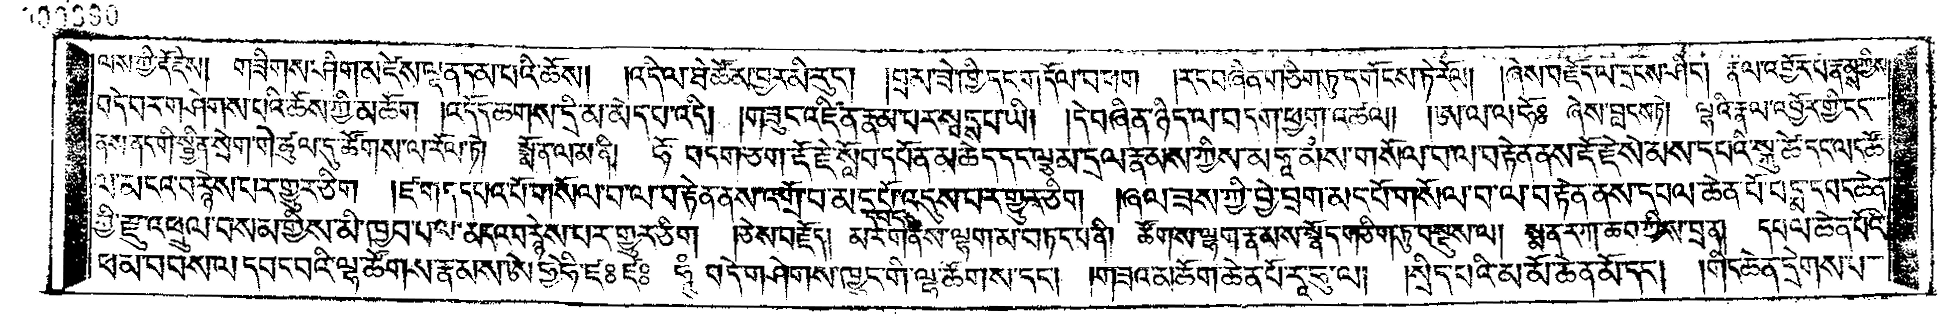ལས་ཀྱི་རྡོ་རྗེས། གཟིགས་ཤིག་མཛེས་ལྡན་དམ་པའི་ཆོས། །འདི་ལ་ཐེ་ཚོམ་བྱར་མི་རུང་། །བྲམ་ཟེ་ཁྱི་དང་གདོལ་བ་ཕག །རང་བཞིན་གཅིག་ཏུ་དགོངས་ཏེ་རོལ། །ཞེས་བརྗོད་ལ་དྲངས་ཤིང་། །རྣལ་འབྱོར་པ་རྣམས་ཀྱིས
བདེ་བར་གཤེགས་པའི་ཆོས་ཀྱི་མཆོག །འདོད་ཆགས་དྲི་མ་མེད་པ་འདི། །གཟུང་འཛིན་རྣམ་པར་སྤངས་པ་ཡི། །དེ་བཞིན་ཉིད་ལ་བདག་ཕྱག་འཚལ། །ཨ་ལ་ལ་ཧོཿ ཞེས་བླངས་ཏེ། ལྷའི་རྣལ་འབྱོར་གྱི་ངང་
ནས་ནང་གི་སྦྱིན་སྲེག་གི་ཚུལ་དུ་ཚོགས་ལ་རོལ་ཏེ། སྨོན་ལམ་ནི། ཧོ་བདག་ཅག་རྡོ་རྗེ་སློབ་དཔོན་མཆེད་དང་ལྕམ་དྲལ་རྣམས་ཀྱིས་མཧཱ་མཾས་གསོལ་བ་ལ་བརྟེན་ནས་རྡོ་རྗེ་སེམས་དཔའི་སྐུ་ཚེ་དང་ལང་ཚོ་
ལ་མངའ་བརྙེས་པར་གྱུར་ཅིག །ཛ་གད་དཔའ་བོ་གསོལ་བ་ལ་བརྟེན་ནས་འགྲོ་བ་མང་པོ་{དབང་དུ?}་འདུས་པར་གྱུར་ཅིག །ཞལ་ཟས་ཀྱི་བྱེ་བྲག་མང་པོ་གསོལ་བ་ལ་བརྟེན་ནས་དཔལ་ཆེན་པོ་པདམ་དབང་ཆེན་
ཀྱི་རྫུ་འཕྲུལ་བསམ་གྱིས་མི་ཁྱབ་པ་ལ་མངའ་བརྙེས་པར་གྱུར་ཅིག ། ཅེས་བརྗོད། མར་གནས་ལྷག་མ་བཏང་པ་ནི། ཚོགས་ལྷག་རྣམས་སྣོད་གཅིག་ཏུ་བསྡུས་ལ། སྨན་རཀ་ཆབ་ཀྱིས་བྲན།  དཔལ་ཆེན་པོའི་
ཕམ་བབས་ལ་དབང་བའི་ལྷ་ཚོགས་རྣམས་ཨེ་ཧྱེ་ཧི་ཛཿ ཛཿ ཧཱུཾ་བདེ་གཤེགས་ཁྱུང་གི་ལྷ་ཚོགས་དང་། །གཟའ་མཆོག་ཆེན་པོ་རཱ་ཧུ་ལ། །སྲིད་པའི་མ་མོ་ཆེན་མོ་དང་། །གིང་ཆེན་དྲེགས་པ་